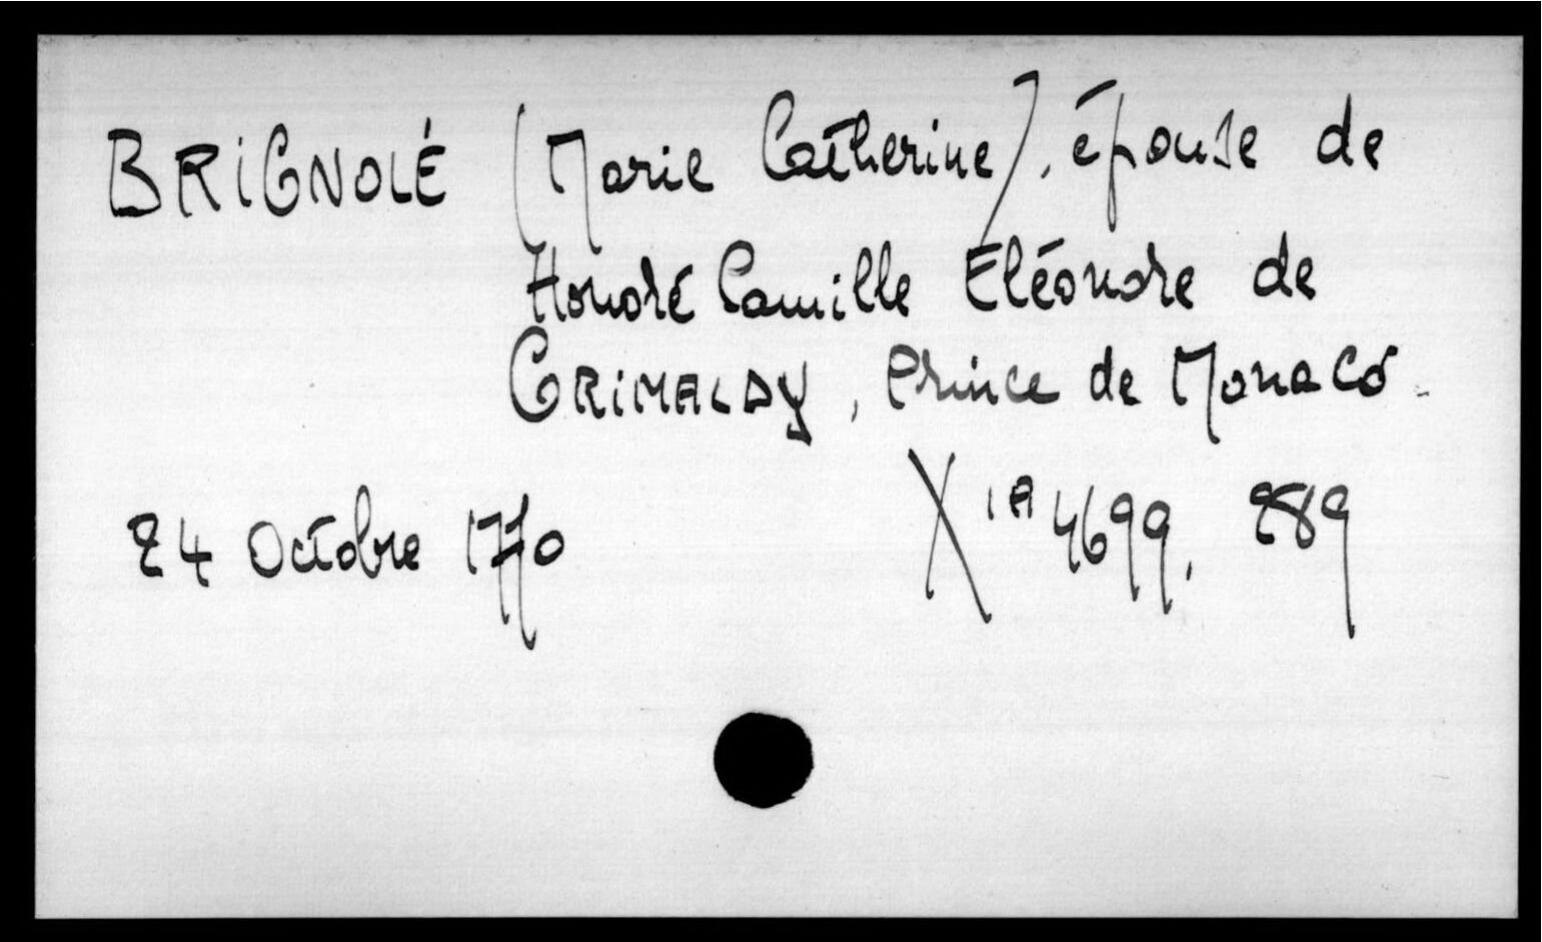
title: BRIGNOLÉ (Marie Catherine), épouse de Honoré Camille Éléonore de GRIMALDY, Prince de Monaco.
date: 24 octobre 1770
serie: X1A
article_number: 4699
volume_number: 289
